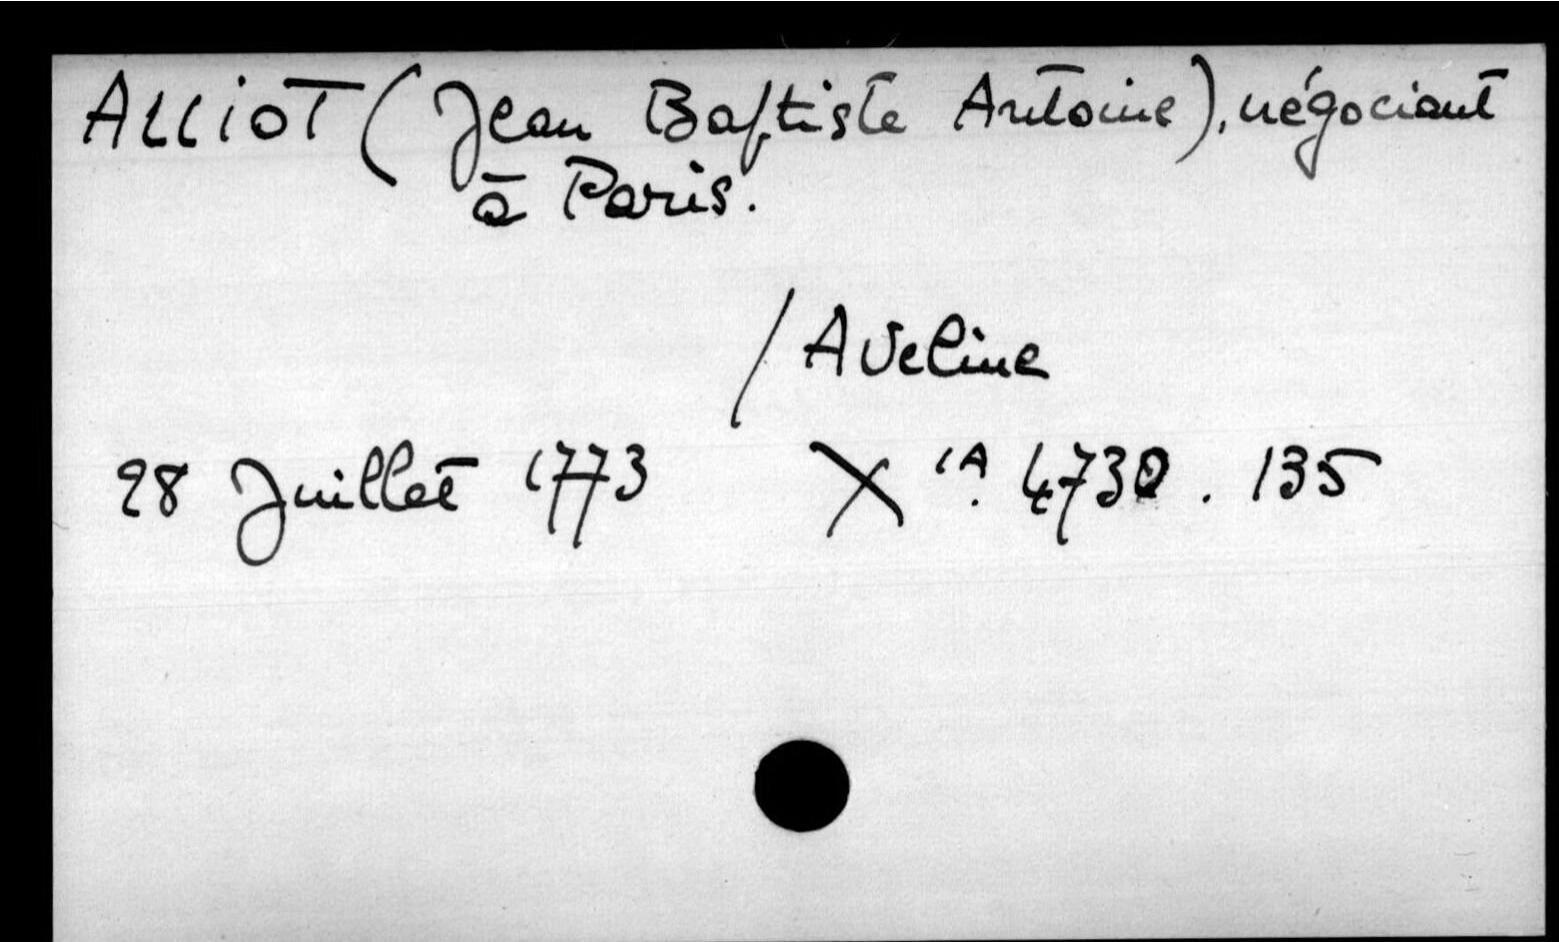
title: ALLIOT (Jean Baptiste Antoine), négociant à Paris.
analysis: Contre Aveline
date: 28 juillet 1773
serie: X1A
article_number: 4730
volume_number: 135
